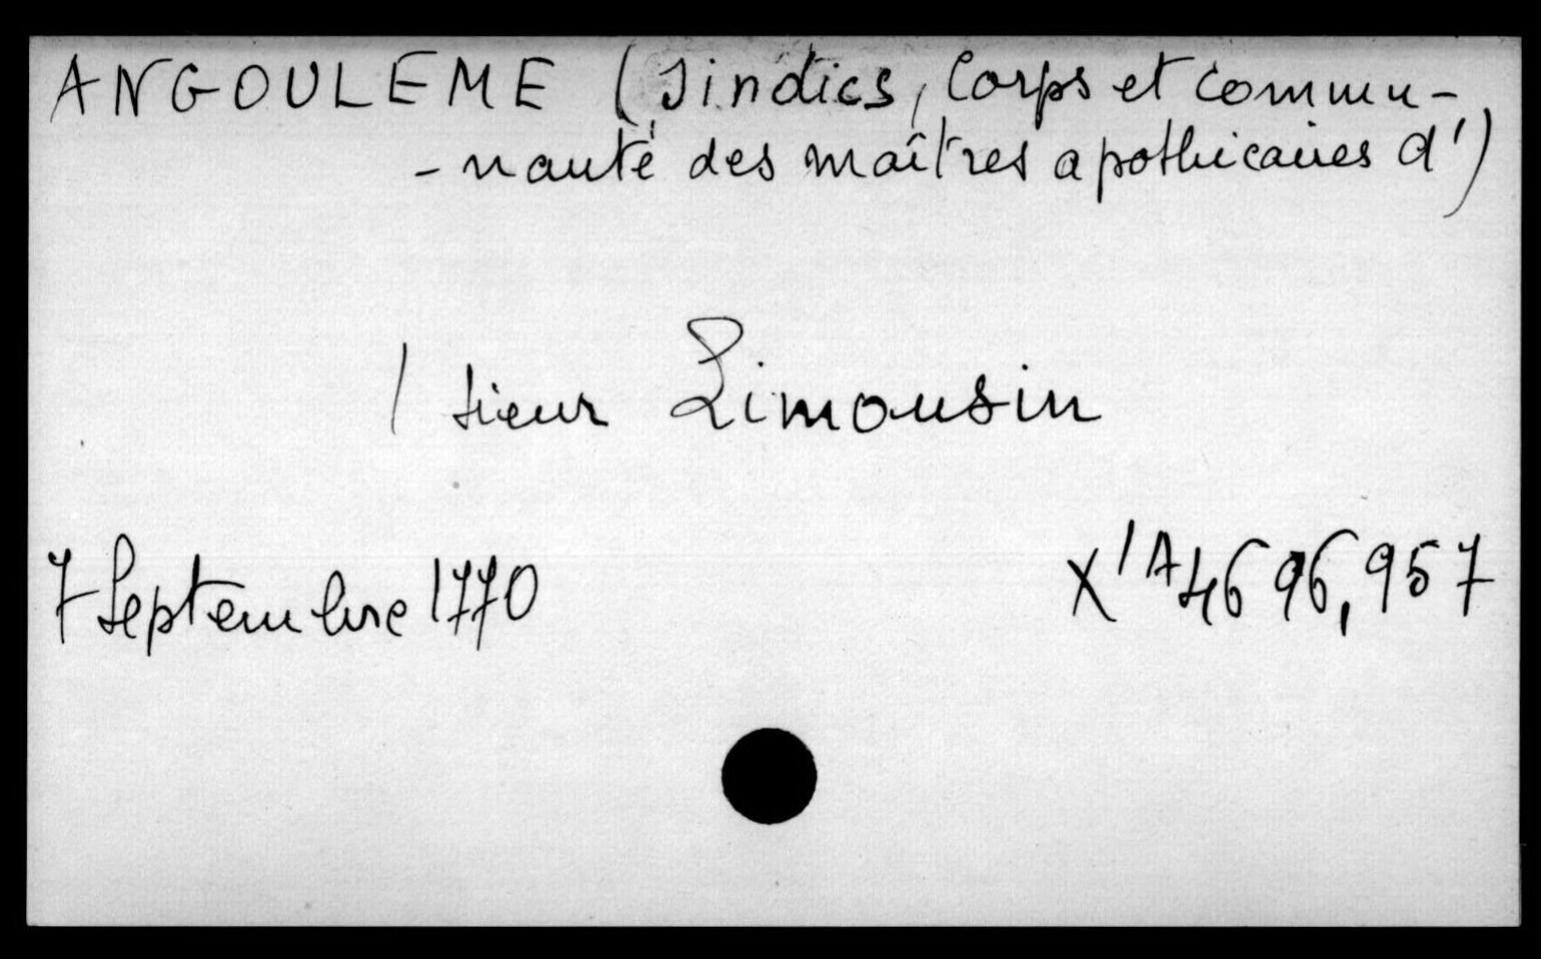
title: ANGOULEME (Sindics, corps et communauté des maîtres apothicaires d')
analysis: Contre sieur Limousin
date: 7 septembre 1770
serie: X1A
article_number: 4696
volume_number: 957
